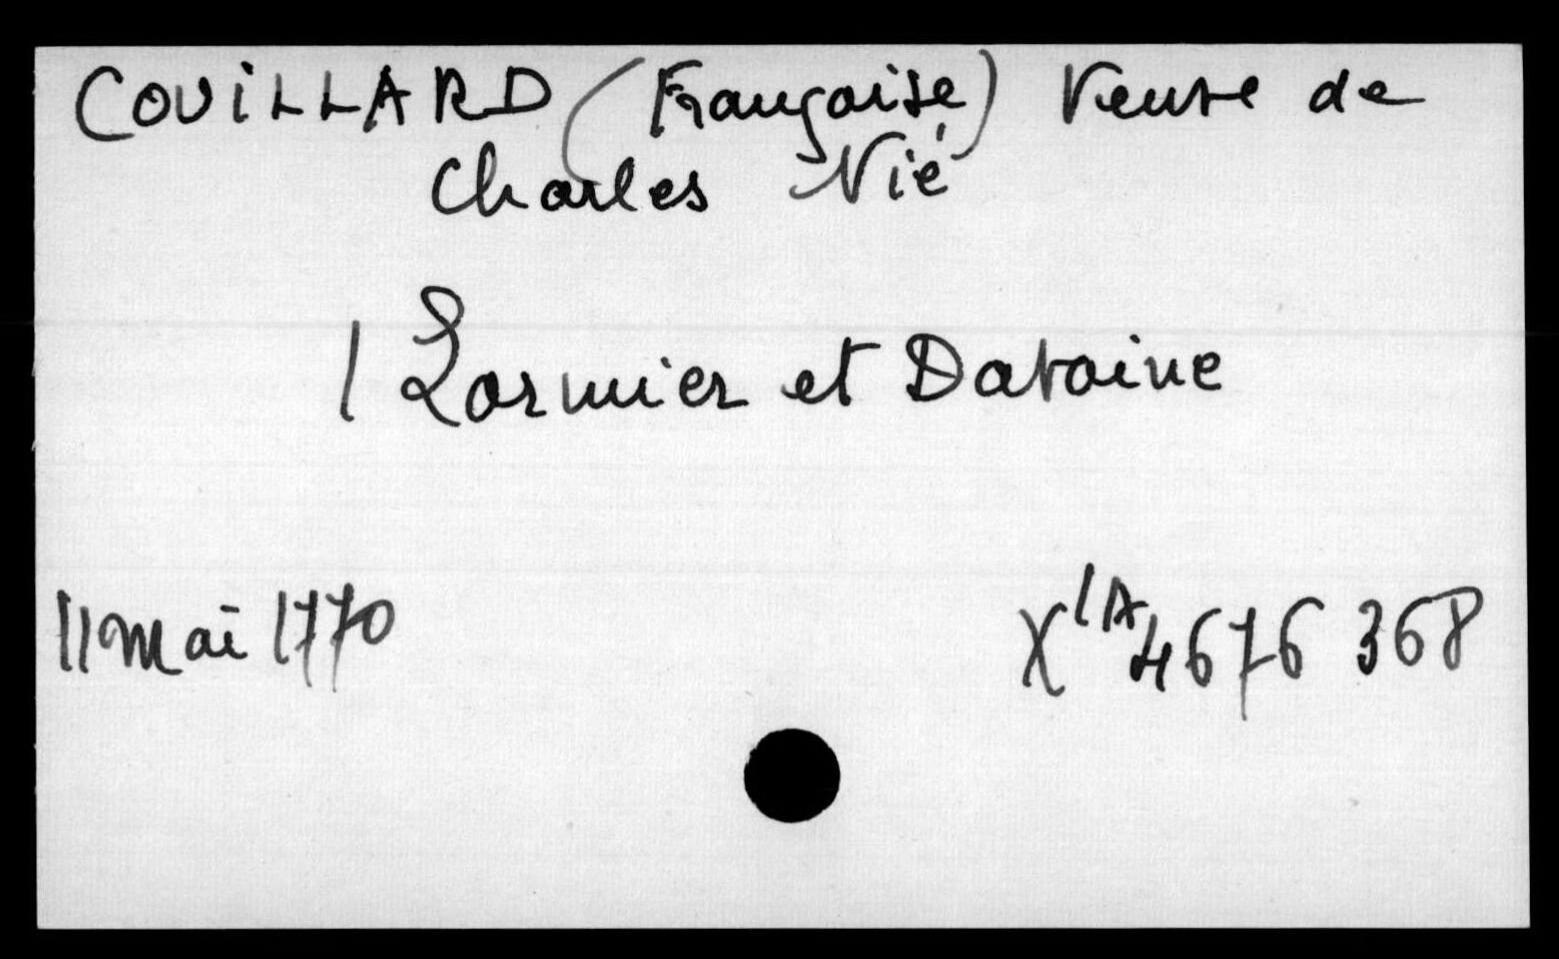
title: COUILLARD (Françoise) Veuve de Charles Nié
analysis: Contre Lormier et Dataine
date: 11 mai 1770
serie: X1A
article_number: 4676
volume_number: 368
